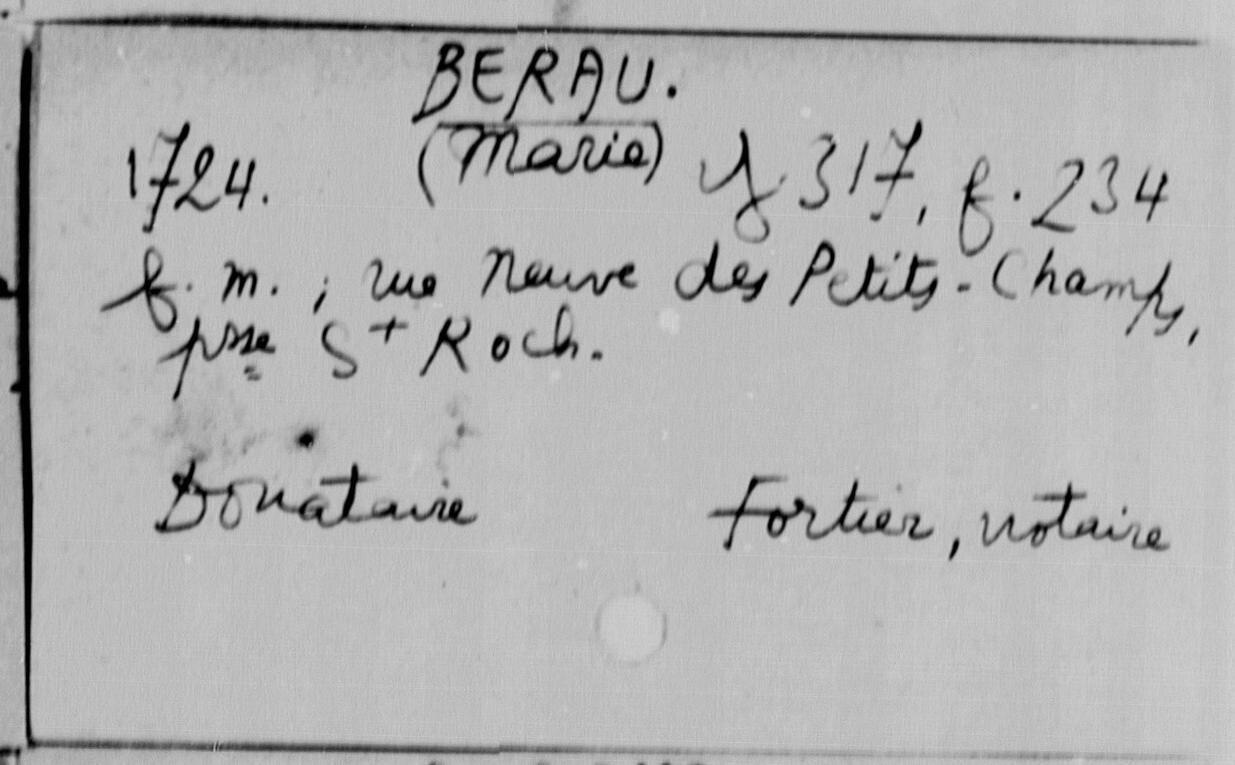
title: BERAU (Marie)
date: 1724
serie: Y
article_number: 317
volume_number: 234
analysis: Fille majeure. rue Neuve des Petits-Champs, paroisse Saint-Roch. Donataire. Fortier, notaire.
